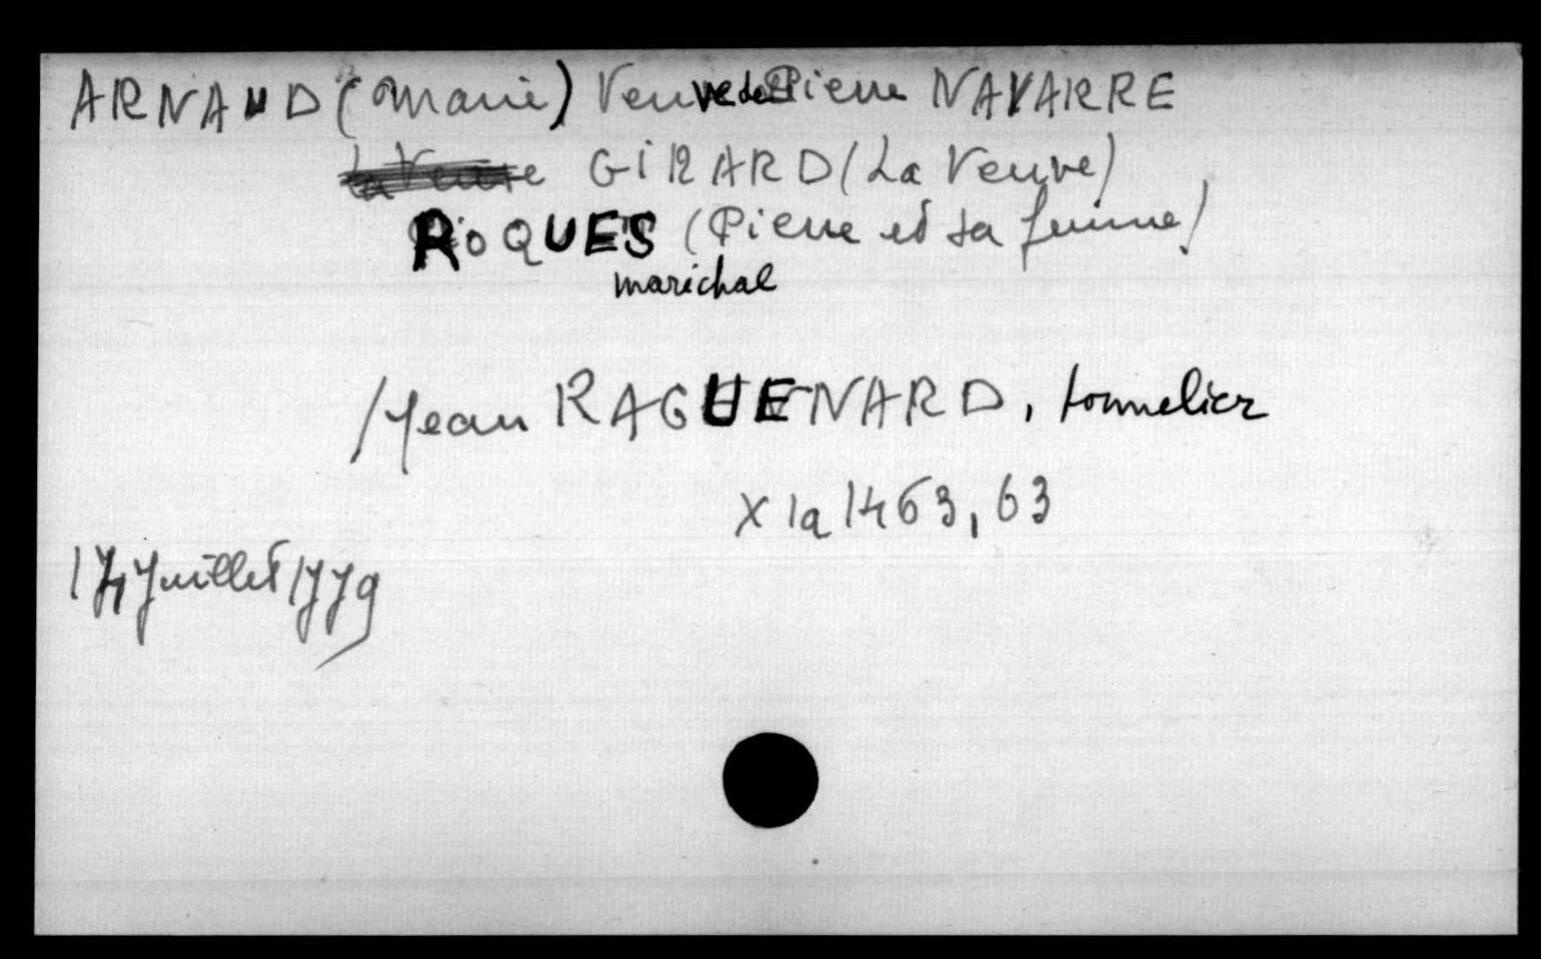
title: ARNAUD (Marie) Veuve de Pierre NAVARRE GIRARD (la veuve) ROQUES (Pierre et sa femme), maréchal
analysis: Contre Jean RAGUENARD, tonnelier
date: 17 juillet 1779
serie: X1a
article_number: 1463
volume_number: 63
